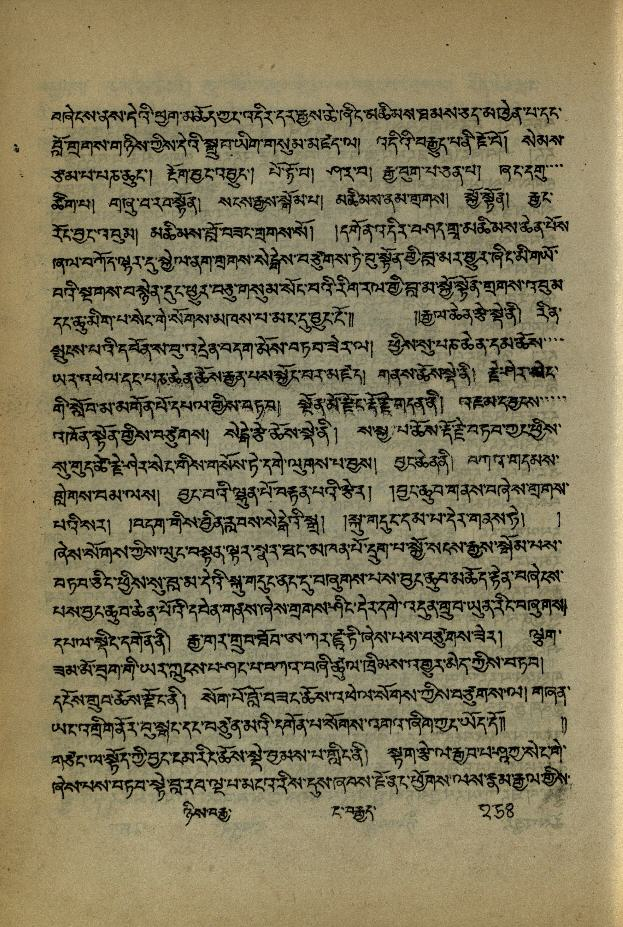བཞེངས་ནས་དེའི་ཕྱག་མཆོད་ཀྱང་འདིར་དར་རྒྱས་ཆེ་ཞིང་མཆིམས་ཐམས་ཅད་མཁྱེན་པ་དང་
བློ་གྲགས་གཉིས་ཀྱིས་དེའི་སྒྲུབ་ཡིག་གསུམ་མཛད་ལ། འདིའི་བརྒྱུད་པ་ནི་ཇོ་བོ། སེམས་
ཙམ་པ་པཎ་ཆུང་། རྔོག་བྱང་འབྱུང་། པོ་ཏོ་པ། ཤར་བ། རྒྱ་བུག་པ་ཅན་པ། ཞང་དགུ་
ཚིག་པ། གཞུ་བར་བ་སྟོན། སངས་རྒྱས་སྒོམ་པ། མཆིམས་ནམ་གྲགས། སྐྱོ་སྟོན། རྒྱང་
རོང་བྱང་འབུམ། མཆིམས་བློ་བཟང་གྲགས་སོ། །དགོན་འདིར་བཤད་གྲྭ་མཆིམས་ཆེན་པོས་
ཞལ་བཀོད་ལྟར་དུ་སྐྱེལ་ནག་གྲགས་སེངྒེས་བཙུགས་ཏེ་བུ་སྟོན་གྱི་བླ་མར་གྱུར་ཞིང་མི་གཡོ་
བའི་སྔགས་བསྙེན་དུང་ཕྱུར་བཅུ་གསུམ་སོང་བའི་རིག་རལ་གྱི་བླ་མ་སྐྱོ་སྟོན་གྲགས་འབུམ་
དང་ཆུ་མིག་པ་སེང་གེ་སོགས་མཁས་པ་མང་དུ་བྱུང་ངོ།། །།རྒྱལ་ཆེན་རྩེ་སྡེ་ནི། རིན་
སྤུངས་པའི་དཔོན་ས་བུ་འདྲེན་བདག་མོས་བཏབ་ཟེར་ལ། ཕྱིས་སུ་པཎ་ཆེན་དམ་ཆོས་
ཡར་འཕེལ་དང་པཎ་ཆེན་ཆོས་རྒྱན་པས་སྐྱོང་བར་མཛད། གནས་ཆོས་སྡེ་ནི། རྗེ་ཤེར་སེང་
གི་སློབ་མ་མགོན་པོ་དཔལ་གྱིས་བཏབ། སྔོན་མོ་རྫོང་རྡོ་རྗེ་གདན་ནི། འཇམ་དབྱངས་
འཁོན་སྟོན་གྱིས་བཙུགས། སེངྒེ་རྩེ་ཆོས་སྡེ་ནི། ས་སྐྱ་པ་ཆོས་རྡོ་རྗེ་བཏབ་ཀྱང་ཕྱིས་
སུ་གུད་ཚེ་རྗེ་ཤེར་སེང་གིས་གསོས་ཏེ་དགེ་ལུགས་བྱས། བྱང་ཆེན་ནི། བཀའ་གདམས་
གླེགས་བམ་ལས། བྱང་བའི་ལྷུན་པོ་བརྟན་པའི་རྩེར། །བྱང་ཆུབ་གནས་བཞེས་གྲགས་
པའི་སར། །བདག་གིས་བྱིན་རླབས་སེངྒེའི་སྒྲ། །སྐུ་གདུང་དམ་པ་དེར་གནས་ཏེ། །
ཞེས་སོགས་ཀྱིས་ལུང་བསྟན་ལྟར་སྣར་ཐང་མཁན་པོ་དྲུག་པ་སྐྱོ་སངས་རྒྱས་སྒོམ་པས་
བཏབ་ཅིང་ཕྱིས་སུ་བླ་མ་དེའི་སྐུ་གདུང་ནང་དུ་བཞུགས་པས་བྱང་ཆུབ་མཆོད་རྟེན་བཞེངས་
པས་བྱང་ཆུབ་ཆེན་པོའི་དབེན་གནས་ཞེས་གྲགས་ཤིང་དེར་དགེ་འདུན་གྲུབ་ཡུན་རིང་བཞུགས། །
དཔལ་སྡིང་དགོན་ནི། རྒྱ་གར་གྲུབ་ཐོབ་ཨ་ཀར་ཛཱ་ཏི་ཞེས་པས་བཙུགས་ཟེར། ལྕག་
ཟམ་མོ་བྲག་གི་ཡར་ཀླུངས་པ་ཤང་པ་བཀའ་བཞི་ཚུལ་ཁྲིམས་འགྱུར་མེད་ཀྱིས་བཏབ།
དངོས་གྲུབ་ཆོས་རྫོང་ནི། སོག་པོ་བློ་བཟང་ཆོས་འཕེལ་སོགས་ཀྱིས་བཙུགས་ལ། གཞན་
ཡང་འགྲིག་ནོར་བུ་སྒང་དང་བཙུན་མའི་དགོན་པ་སོགས་འགའ་ཞིག་ཀྱང་ཡོད་དོ།། །།
གཙང་ལ་སྟོད་ཀྱི་བྱང་ངམ་རིང་ཆོས་སྡེ་བྱམས་པ་གླིང་ནི། སྟག་རྩེ་ལ་རྒྱབ་པ་ཤཱཀྱ་སེང་གེ་
ཞེས་པས་བཏབ་སྟེ་བླ་རབ་ལྔ་པ་མངའ་རིས་དུས་ཞབས་ཇོ་ནང་ཕྱོགས་ལས་རྣམ་རྒྱལ་གྱིས་